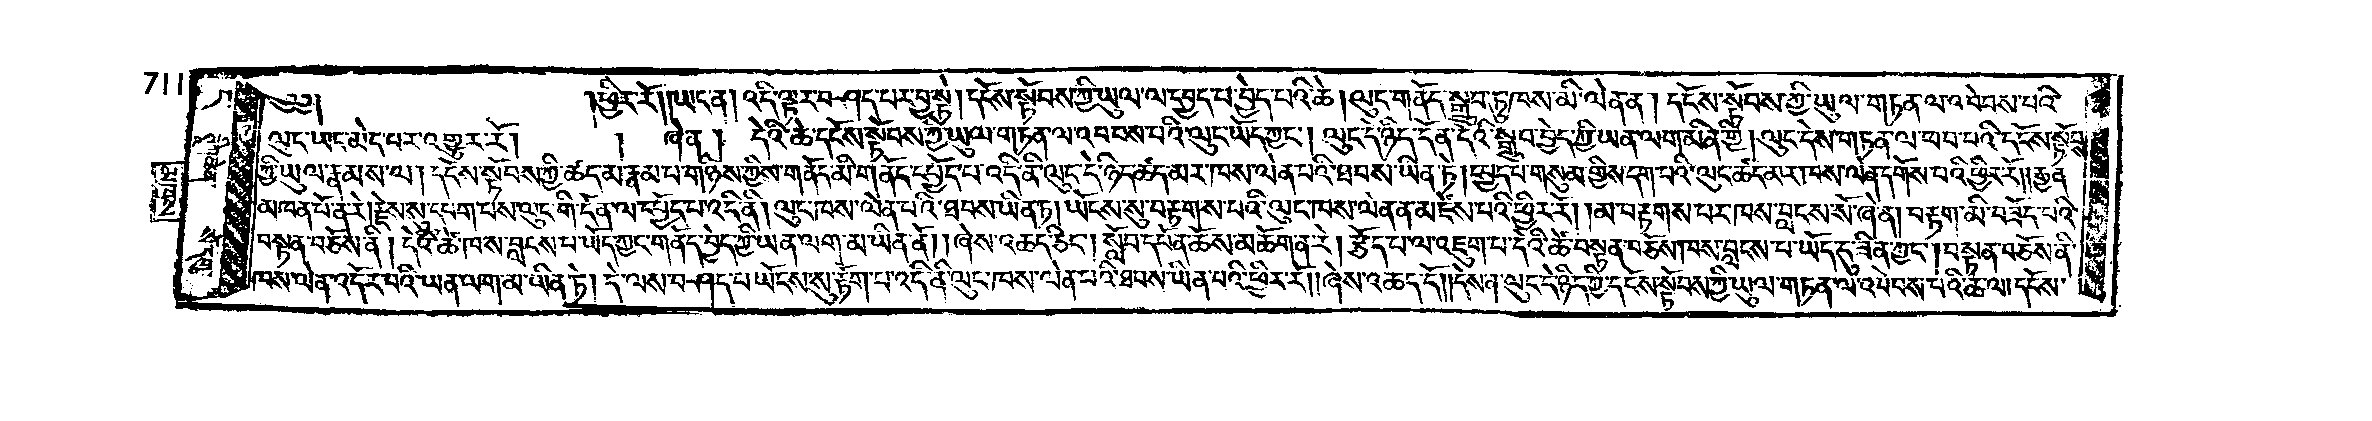༄༅། །ཕྱིར་རོ། །ཡང་ན། འདི་ལྟར་བཤད་པར་བྱ་སྟེ། དངོས་སྟོབས་ཀྱི་ཡུལ་ལ་དཔྱད་པ་བྱེད་པའི་ཚེ། ལུང་གནོད་སྒྲུབ་ཏུ་ཁས་མི་ལེན་ན། དངོས་སྟོབས་ཀྱི་ཡུལ་གཏན་ལ་འབེབས་པའི་
ལུང་ཡང་མེད་པར་འགྱུར་རོ། །ཞེ་ན། དེའི་ཚེ་དངོས་སྟོབས་ཀྱི་ཡུལ་གཏན་ལ་འབབས་པའི་ལུང་ཡོད་ཀྱང་། ལུང་དེ་ཉིད་དོན་དེའི་སྒྲུབ་བྱེད་ཀྱི་ཡན་ལག་མིན་གྱི། ལུང་དེས་གཏན་ལ་ཕབ་པའི་དངོས་སྟོབས་
ཀྱི་ཡུལ་རྣམས་ལ། དངོས་སྟོབས་ཀྱི་ཚད་མ་རྣམ་པ་གཉིས་ཀྱིས་གནོད་མི་གནོད་དཔྱོད་པ་འདི་ནི་ལུང་དེ་ཉིད་ཚད་མར་ཁས་ལེན་པའི་ཐབས་ཡིན་ཏེ། དཔྱད་པ་གསུམ་གྱིས་དག་པའི་ལུང་ཚད་མར་ཁས་ལེན་དགོས་པའི་ཕྱིར་རོ། །རྒྱན་
མཁན་པོ་ན་རེ། རྗེས་སུ་དཔག་པས་ལུང་གི་དོན་ལ་དཔྱོད་པ་འདི་ནི། ལུང་ཁས་ལེན་པའི་ཐབས་ཡིན་ཏེ། ཡོངས་སུ་བརྟགས་པའི་ལུང་ཁས་ལེན་ན་མཛེས་པའི་ཕྱིར་རོ། །མ་བརྟགས་པར་ཁས་བླངས་སོ་ཞེ་ན། བརྟག་མི་བཟོད་པའི་
བསྟན་བཅོས་ནི། དེའི་ཚེ་ཁས་བླངས་པ་ཡོད་ཀྱང་གནོད་བྱེད་ཀྱི་ཡན་ལག་མ་ཡིན་ནོ། །ཞེས་འཆད་ཅིང་། སློབ་དཔོན་ཆོས་མཆོག་ན་རེ། རྩོད་པ་ལ་འཇུག་པ་དེའི་ཚེ་བསྟན་བཅོས་ཁས་བླངས་པ་ཡོད་དུ་ཟིན་ཀྱང་། བསྟན་བཅོས་ནི་
ཁས་ལེན་འདོར་བའི་ཡན་ལག་མ་ཡིན་ཏེ། དེ་ལས་བཤད་པ་ཡོངས་སུ་རྟོག་པ་འདི་ནི་ལུང་ཁས་ལེན་པའི་ཐབས་ཡིན་པའི་ཕྱིར་རོ། །ཞེས་འཆད་དོ། །དེས་ན་ལུང་དེ་ཉིད་ཀྱི་དངོས་སྟོབས་ཀྱི་ཡུལ་གཏན་ལ་འབེབས་པའི་ཆ་ལ། དངོས་